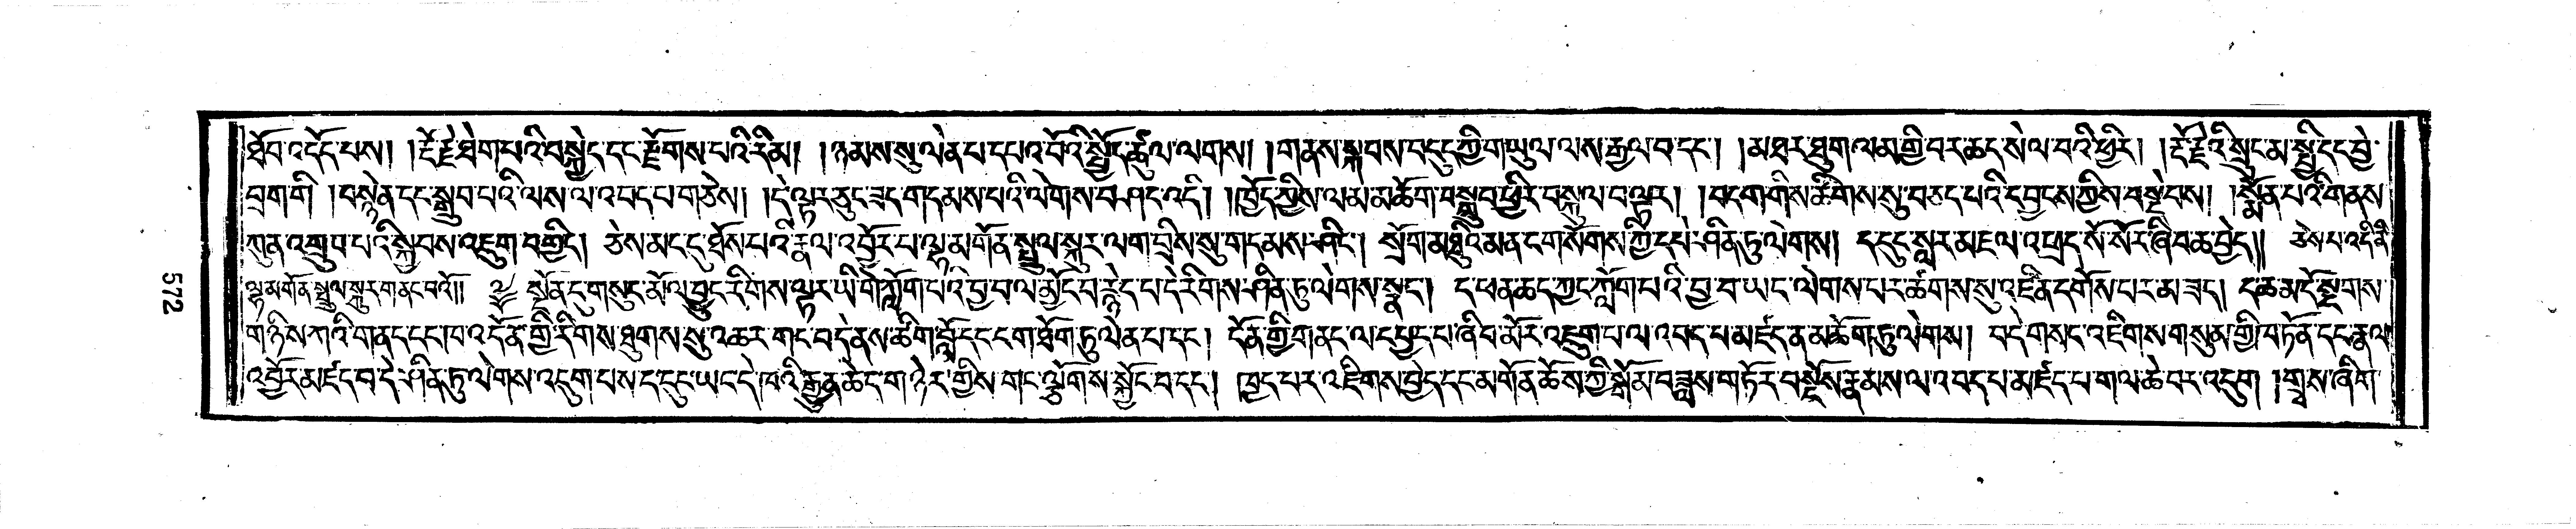ཐོབ་འདོད་པས། །རྡོ་རྗེ་ཐེག་པའི་བསྐྱེད་དང་རྫོགས་པའི་རིམ། །ཉམས་སུ་ལེན་པ་དཔའ་བོའི་སྤྱོད་ཚུལ་ལགས། །གནས་སྐབས་བདུད་ཀྱི་གཡུལ་ལས་རྒྱལ་བ་དང་། །མཐར་ཐུག་ལམ་གྱི་བར་ཆད་སེལ་བའི་ཕྱིར། །རྡོ་རྗེའི་སྲུང་མ་སྤྱི་དང་བྱེ་
བྲག་གི། །བསྙེན་དང་སྒྲུབ་པའི་ལས་ལ་འབད་པ་གཅེས། །དེ་ལྟར་ཅུང་ཟད་གདམས་པའི་ལེགས་བཤད་འདི། །ཁྱོད་ཀྱིས་ལམ་མཆོག་བསྒྲུབ་ཕྱིར་བསྐུལ་བ་ལྟར། །བདག་གིས་ཚིགས་སུ་བཅད་པའི་དབྱངས་ཀྱིས་བསྡེབས། །སྨོན་པའི་གནས་
ཀུན་འགྲུབ་པའི་སྐྱབས་འཇུག་བགྱིང་། ཅེས་མང་དུ་ཐོས་པའི་རྣལ་འབྱོར་པ་ལྷ་མགོན་སྤྲུལ་སྐུར་ལག་བྲིས་སུ་གདམས་ཤིང་། སྲོག་མཐུའི་མན་ངག་སོགས་ཀྱི་དཔེ་ཤིན་ཏུ་ལེགས། ད་དུང་སླར་མཇལ་འཕྲད་སོ་སོར་ཞིབ་ཆ་བྱེད། ཅེས་པ་འདི་ནི་
ལྷ་མགོན་སྤྲུལ་སྐུར་གནང་བའོ།། ༈ སྔོན་དུ་གསུང་མོལ་བྱུང་རིགས་ལྟར་ཡི་གེ་ཀློག་པའི་བྱ་བ་ལ་མྱོང་བ་རྙེད་པ་དེ་རིགས་ཤིན་ཏུ་ལེགས་སྣང་། ད་ཕན་ཆད་ཀྱང་ཀློག་པའི་བྱ་བ་ཡང་ལེགས་པར་ཚགས་སུ་འཛིན་དགོས་པར་མ་ཟད། ད་ཆ་མདོ་སྔགས་
གཉིས་ཀའི་གནད་དང་ཁ་འདོན་གྱི་རིགས་ཐུགས་སུ་འཆར་གང་བདེན་ནས་ཚིག་བློ་དང་ངག་ཐོག་ཏུ་ལེན་པ་དང་། དོན་གྱི་གནང་ལ་དཔྱད་པ་ཞིབ་མོར་འཇུག་པ་ལ་འབད་པ་མཛད་ན་མཆོག་ཏུ་ལེགས། བདེ་གསང་འཇིགས་གསུམ་གྱི་ཁ་ཏོན་དང་རྣལ་
འབྱོར་མཛད་པ་དེ་ཤིན་ཏུ་ལེགས་འདུག་པས་ད་དུང་ཡང་དེ་ཁའི་རྒྱུན་ཆེད་གཉེར་གྱིས་གླང་ལྕོགས་སྐྱོང་བ་དང་། ཁྱད་པར་འཇིགས་བྱེད་དང་མགོན་ཆོས་ཀྱི་སྒོམ་བཟླས་གཏོར་བསྔོས་རྣམས་ལ་འབད་པ་མཛད་པ་གལ་ཆེ་བར་འདུག །གྲྭ་ས་ཞིག་